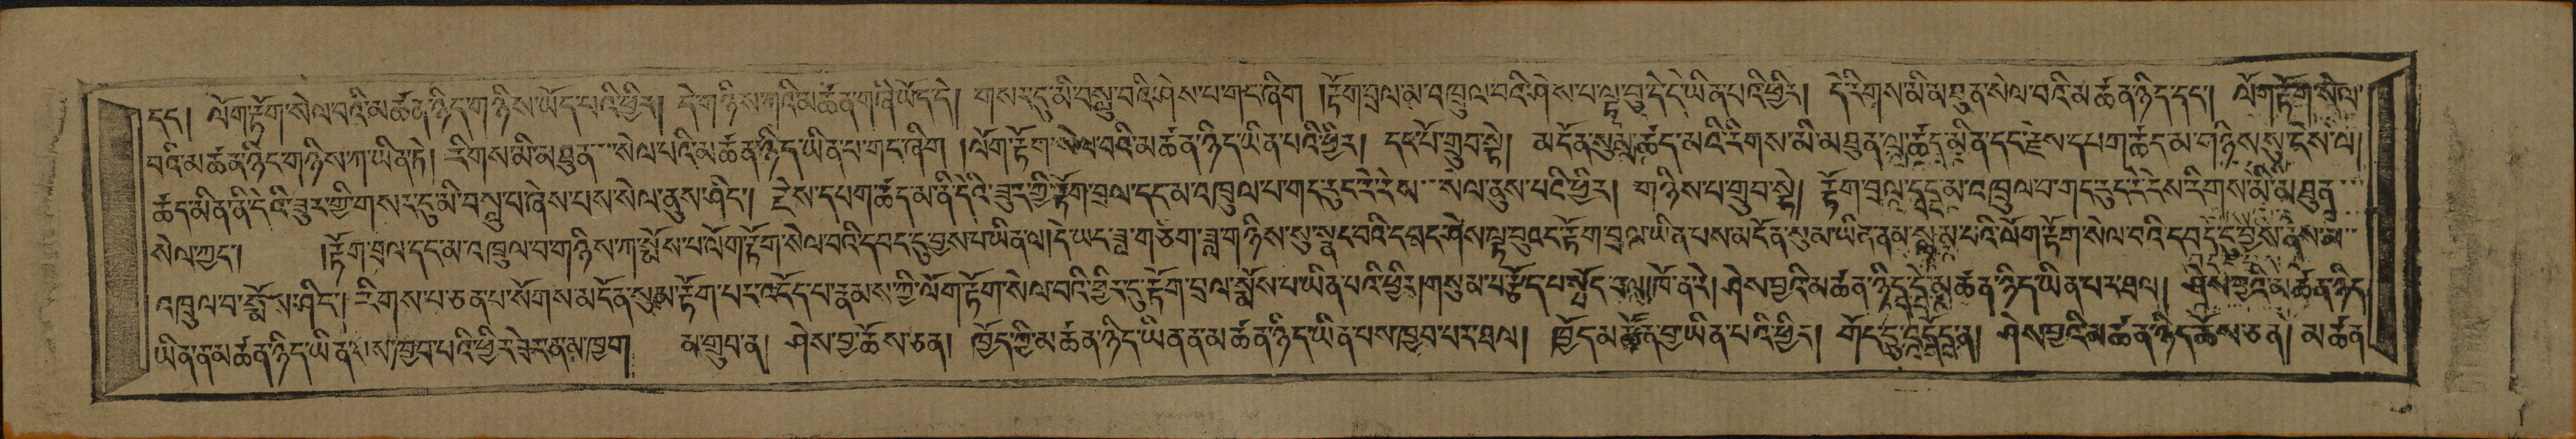དད༑ ལོག་རྟོག་སེལ་བའི་མཚན་ཉིད་གཉིས་ཡོད་པའི་ཕྱིར། དེ་གཉིས་ཀའི་མཚན་གཞི་ཡོད་དེ། གསར་དུ་མི་སླུ་བའི་ཤེས་པ་གང་ཞིག །རྟོག་བྲལ་མ་འཁྲུལ་བའི་ཤེས་པ་ལྟ་བུ་དེ་དེ་ཡིན་པའི་ཕྱིར། དེ་རིགས་མི་མཐུན་སེལ་བའི་མཚན་ཉིད་དང་། ལོག་རྟོག་སལ་
བའི་མཚན་ཉིད་གཉིས་ཀ་ཡིན་ཏེ། རིགས་མི་མཐུན་སེལ་པའི་མཚན་ཉིད་ཡིན་པ་གང་ཞིག །ལོག་རྟོག་སེལ་བའི་མཚན་ཉིད་ཡིན་པའི་ཕྱིར། དང་པོ་གྲུབ་སྟེ། མངོན་སུམ་ཚད་མའི་རིགས་མི་མཐུན་ལ་ཚད་མིན་དང་རྗེས་དཔག་ཚད་མ་གཉིས་སུ་ངེས་ལ།
ཚད་མིན་ནི་དེའི་ཟུར་གྱི་གསར་དུ་མི་བསླུ་བ་ཞེས་པས་སེལ་ནུས་ཤིང་། རྗེས་དཔག་ཚད་མ་ནི་དེའི་ཟུར་གྱི་རྟིག་བྲལ་དང་མ་འཁྲུལ་པ་གང་རུང་རེ་རེས་སེལ་ནུས་པའི་ཕྱིར། གཉིས་པ་གྲུབ་སྟེ། རྟོག་བྲལ་དང་མ་འཁྲུལ་བ་གང་རུང་རེ་རེས་རིགས་མི་མཐུན་
སེལ་ཀྱང་། །རྟོག་བྲལ་དང་མ་འཁྲུལ་བ་གཉིས་ཀ་སྨོས་པ་ལོག་རྟོག་སེལ་བའི་དབང་དུ་བྱས་པ་ཡིན་ལ། དེ་ཡང་ཟླ་གཅིག་ཟླ་གཉིས་སུ་སྣང་བའི་དབང་ཤེས་ལྟ་བུའང་རྟོག་བྲལ་ཡིན་པས་མངོན་སུམ་ཡིན་ནམ་སྙམ་པའི་ལོག་རྟོག་སེལ་བའི་དབང་དུ་བྱས་ནས་མ་
འཁྲུལ་བ་སྨོས་ཤིང་། རིགས་པ་ཅན་པ་སོགས་མངོན་སུམ་རྟོག་པར་འདོད་པ་རྣམས་ཀྱི་ལོག་རྟོག་སེལ་བའི་ཕྱིར་དུ་རྟོག་བྲལ་སྨོས་པ་ཡིན་པའི་ཕྱིར། གསུམ་པ་རྩོད་པ་སྤོང་བ་ལ། ཁོ་ན་རེ། ཤེས་བྱའི་མཚན་ཉིད་དེ་མཚན་ཉིད་ཡིན་པར་ཐལ། ཤེས་བྱའི་མཚན་ཉིད་
ཡིན་ན་མཚན་ཉིད་ཡིན་པས་ཁྱབ་པའི་ཟེར་ན་མ་ཁྱབ། མ་གྲུབ་ན། ཤེས་བྱ་ཆོས་ཅན། ཁྱོད་ཀྱི་མཚན་ཉིད་ཡིན་ན་མཚན་ཉིད་ཡིན་པས་ཁྱབ་པར་ཐལ། ཁྱོད་མཚོན་བྱ་ཡིན་པའི་ཕྱིར། གོང་དུ་འདོད་ན། ཤེས་བྱའི་མཚན་ཉིད་ཆོས་ཅན། མཚན་དིར་